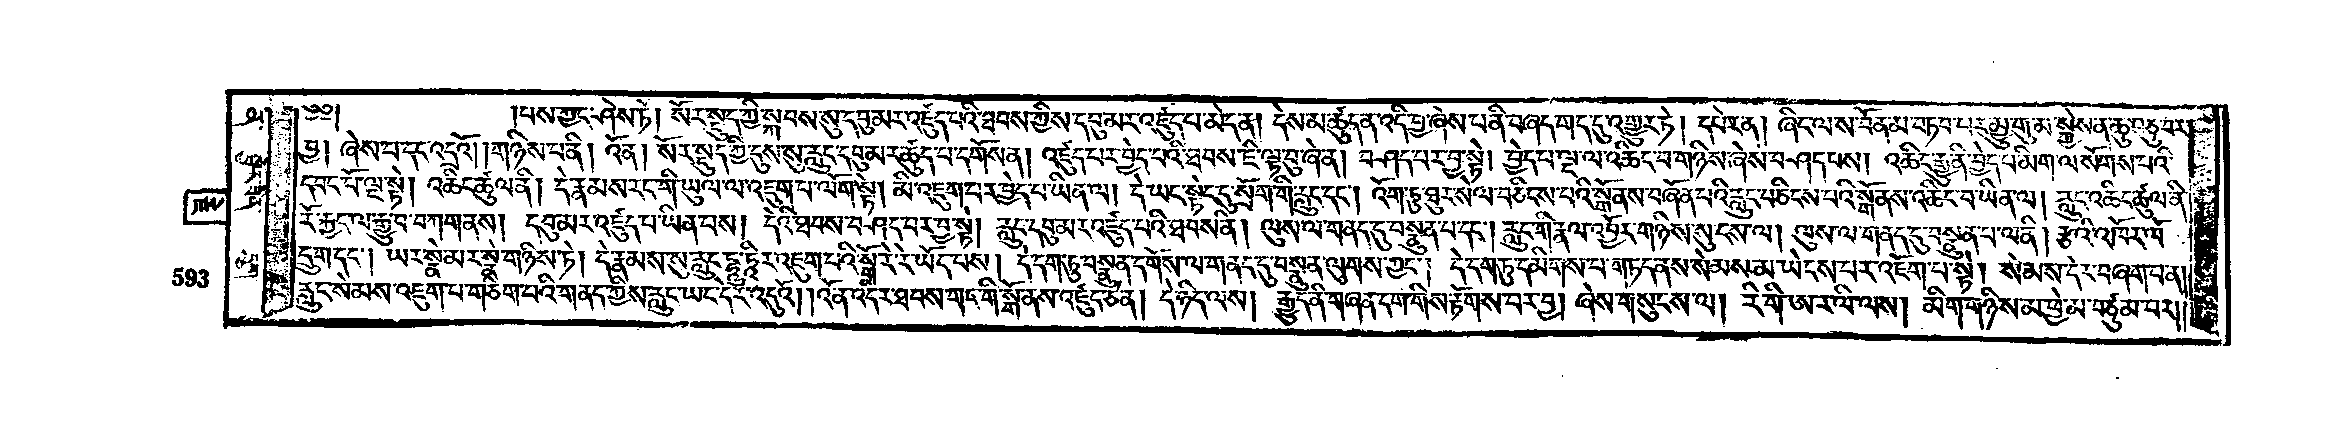༄༅། །པས་ཀྱང་ཤེས་ཏེ། སོར་སྡུད་ཀྱི་སྐབས་སུ་དབུ་མར་འཛུད་པའི་ཐབས་ཀྱིས་དབུ་མར་འཛུད་པ་མེད་ན། དེས་མ་ཚུད་ན་འདི་བྱ་ཞེས་པ་ནི་བཞད་གད་དུ་འགྱུར་ཏེ། དཔེར་ན། ཞིང་ལ་ས་བོན་མ་བཏབ་པར་མྱུ་གུ་མ་སྐྱེས་ན་ཆུ་བཅུ་བར་
བྱ། ཞེས་པ་དང་འདྲའོ། །གཉིས་པ་ནི། འོ་ན། སོར་སྡུད་ཀྱི་དུས་སུ་རླུང་དབུ་མར་ཚུད་པ་དགོས་ན། འཛུད་པར་བྱེད་པའི་ཐབས་ཇི་ལྟ་བུ་ཞེ་ན། བཤད་པར་བྱ་སྟེ། བྱེད་པ་ལྔ་ལ་འཆིང་བ་གཉིས་ཞེས་བཤད་པས། འཆིང་རྒྱུ་ནི་བྱེད་པ་མིག་ལ་སོགས་པའི་
དབང་པོ་ལྔ་སྟེ། འཆིང་ཚུལ་ནི། དེ་རྣམས་རང་གི་ཡུལ་ལ་འཇུག་པ་ལོག་སྟེ། མི་འཇུག་པར་བྱེད་པ་ཡིན་ལ། དེ་ཡང་སྟེང་དུ་སྲོག་གི་རླུང་དང་། འོག་ཏུ་ཐུར་སེལ་བཅིངས་པའི་སྒོ་ནས་བཞོན་པའི་རླུང་བཅིངས་པའི་སྒོ་ནས་འཆིང་བ་ཡིན་ལ། རླུང་འཆིང་ཚུལ་ནི་
རོ་རྐྱང་ལ་རྒྱུ་བ་བཀག་ནས། དབུ་མར་འཛུད་པ་ཡིན་པས། དེའི་ཐབས་བཤད་པར་བྱ་སྟེ། རླུང་དབུ་མར་འཛུད་པའི་ཐབས་ནི། ལུས་ལ་གནད་དུ་བསྣུན་པ་དང་། རླུང་གི་རྣལ་འབྱོར་གཉིས་སུ་ངེས་ལ། ལུས་ལ་གནད་དུ་བསྣུན་པ་ལ་ནི། རྩའི་འཁོར་ལོ་
དྲུག་དང་། ཡར་སྣེ་མར་སྣེ་གཉིས་ཏེ། དེ་རྣམས་སུ་རླུང་དྷཱུ་ཏཱིར་འཇུག་པའི་སྒྲོ་རེ་རེ་ཡོད་པས། དེ་དག་ཏུ་བསྣུན་དགོས་ལ་གནད་དུ་བསྣུན་ལུགས་ཀྱང་། དེ་དག་ཏུ་དམིགས་པ་གཏད་ནས་སེམས་མ་ཡེངས་པར་འཇོག་པ་སྟེ། སེམས་དེར་བཞག་པ་ན།
རླུང་སེམས་འཇུག་པ་གཅིག་པའི་གནད་ཀྱིས་རླུང་ཡང་དེར་འདུའོ། །འོ་ན་འདིར་ཐབས་གང་གི་སྒོ་ནས་འཛུད་ཅེ་ན། དེ་ཉིད་ལས། རྒྱུད་ནི་གཞན་དག་གིས་རྟོགས་པར་བྱ། ཞེས་གསུངས་ལ། རི་གི་ཨ་ར་ལི་ལས། མིག་གཉིས་མ་ཕྱེ་མ་བཙུམ་པར། །